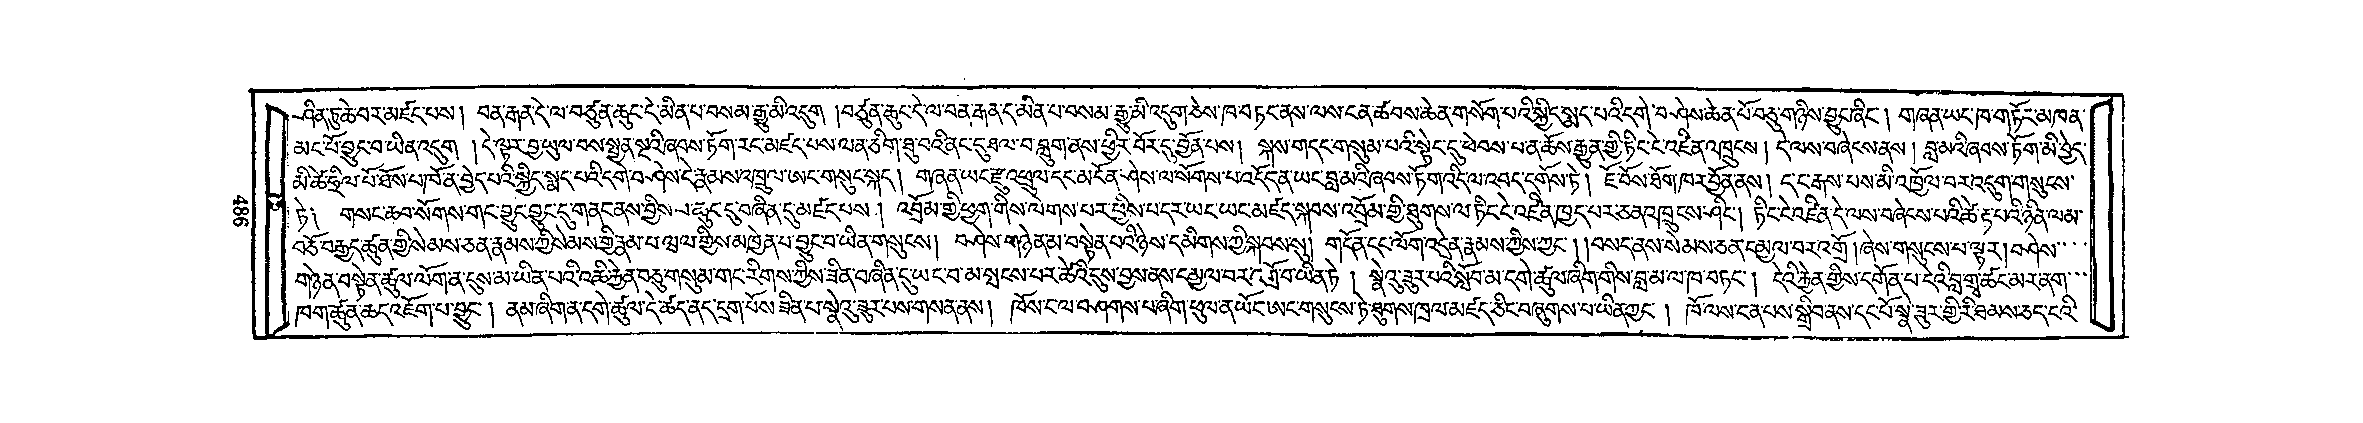ཤིན་ཏུ་ཆེ་བར་མཛད་པས། བན་རྒན་དེ་ལ་བཙུན་ཆུང་དེ་མིན་པ་བསམ་རྒྱུ་མི་འདུག །བཙུན་ཆུང་དེ་ལ་བན་རྒན་ད་མིན་པ་བསམ་རྒྱུ་མི་འདུག་ཅེས་ཁ་བཏང་ནས་ལས་ངན་ཚབས་ཆེན་གསོག་པའི་སྐྱིད་སྨད་པའི་དགེ་བཤེས་ཆེན་པོ་བཅུ་གཉིས་བྱུང་ཞིང་། གཞན་ཡང་ཁ་གཏོང་མཁན་
མང་པོ་བྱུང་བ་ཡིན་འདུག །དེ་ལྟར་བྱ་ཡུལ་བས་སྤྱན་སྔའི་ཞབས་ཏོག་རང་མཛད་པས་ལན་ཅིག་ཐུ་བའི་ནང་དུ་ཐལ་བ་བླུག་ནས་ཕྱིར་བོར་དུ་བྱོན་པས། སྐས་གདང་གསུམ་པའི་སྟེང་དུ་ཕེབས་པ་ན་ཆོས་རྒྱུན་གྱི་ཏིང་ངེ་འཛིན་འཁྲུངས། དེ་ལས་བཞེངས་ནས། བླ་མའི་ཞབས་ཏོག་མི་བྱེད་
མི་ཚེ་ཧྲིལ་པོ་ཐོས་པ་ཁོ་ན་བྱེད་པའི་སྐྱིད་སྨད་པའི་དགེ་བཤེས་དེ་རྣམས་འཁྲུལ་ཨང་གསུང་སྐད། གཞན་ཡང་རྫུ་འཕྲུལ་དང་མངོན་ཤེས་ལ་སོགས་པ་འདོད་ན་ཡང་བླ་མའི་ཞབས་ཏོག་འདི་ལ་འབད་དགོས་ཏེ། ཇོ་བོས་ཐོག་ཁར་བྱོན་ནས། ད་ང་རྒས་པས་མི་འཁྱོལ་བར་འདུག་གསུངས་
ཏེ། གསང་ཆབ་སོགས་གང་བྱུང་བྱུང་དུ་གནང་ནས་བྱིས་པ་ཆུང་ངུ་བཞིན་དུ་མཛད་པས། འབྲོམ་གྱི་ཕྱག་གིས་ལེགས་པར་ཕྱིས་པ་དར་ཡང་ཡང་མཛད་སྐབས་འབྲོམ་གྱི་ཐུགས་ལ་ཏིང་ངེ་འཛིན་ཁྱད་པར་ཅན་འཁྲུངས་ཤིང་། ཏིང་ངེ་འཛིན་དེ་ལས་བཞེངས་པའི་ཚེ་རྟ་པའི་ཉིན་ལམ་
བཅོ་བརྒྱད་ཚུན་གྱི་སེམས་ཅན་རྣམས་ཀྱི་སེམས་གྱི་རྣམ་པ་ཝལ་གྱིས་མཁྱེན་པ་བྱུང་བ་ཡིན་གསུངས། བཤེས་གཉེན་མ་བསྟེན་པའི་ཉེས་དམིགས་ཀྱི་སྐབས་སུ། གདོན་དང་ལོག་འདྲེན་རྣམས་ཀྱིས་ཀྱང་། །བསད་ནས་སེམས་ཅན་དམྱལ་བར་འགྲོ་།ཞེས་གསུངས་པ་ལྟར། བཤེས་
གཉེན་བསྟེན་ཚུལ་ལོག་ན་དུས་མ་ཡིན་པའི་འཆི་རྐྱེན་བཅུ་གསུམ་གང་རིགས་ཀྱིས་ཟིན་བཞིན་དུ་ཡང་བ་མ་སྤངས་པར་ཚེའི་དུས་བྱས་ནས་དམྱལ་བར་འགྲོ་བ་ཡིན་ཏེ། སྣེའུ་ཟུར་པའི་སློབ་མ་དགེ་ཚུལ་ཞིག་གིས་བླ་མ་ལ་ཁ་བཏང་། དེའི་རྐྱེན་གྱིས་དགོན་པ་དེའི་བླ་གྲྭ་ཚང་མར་ནག་
ཁག་ཚུན་ཆད་འཇོག་པ་བྱུང་། ནམ་ཞིག་ན་དགེ་ཚུལ་དེ་ཚད་ནད་དྲག་པོས་ཟིན་པ་སྣེའུ་ཟུར་པས་གསན་ནས། ཁོས་ང་ལ་བཤགས་པ་ཞིག་ཕུལ་ན་ཡོང་ཨང་གསུངས་ཏེ་ཐུགས་ཁྲལ་མཛད་ཅིང་བཞུགས་པ་ཡིན་ཀྱང་། ཁོ་ལས་ངན་པས་སྒྲིབ་ནས་དང་པོ་སྣེ་ཟུར་གྱི་རི་ཐམས་ཅད་ངའི་